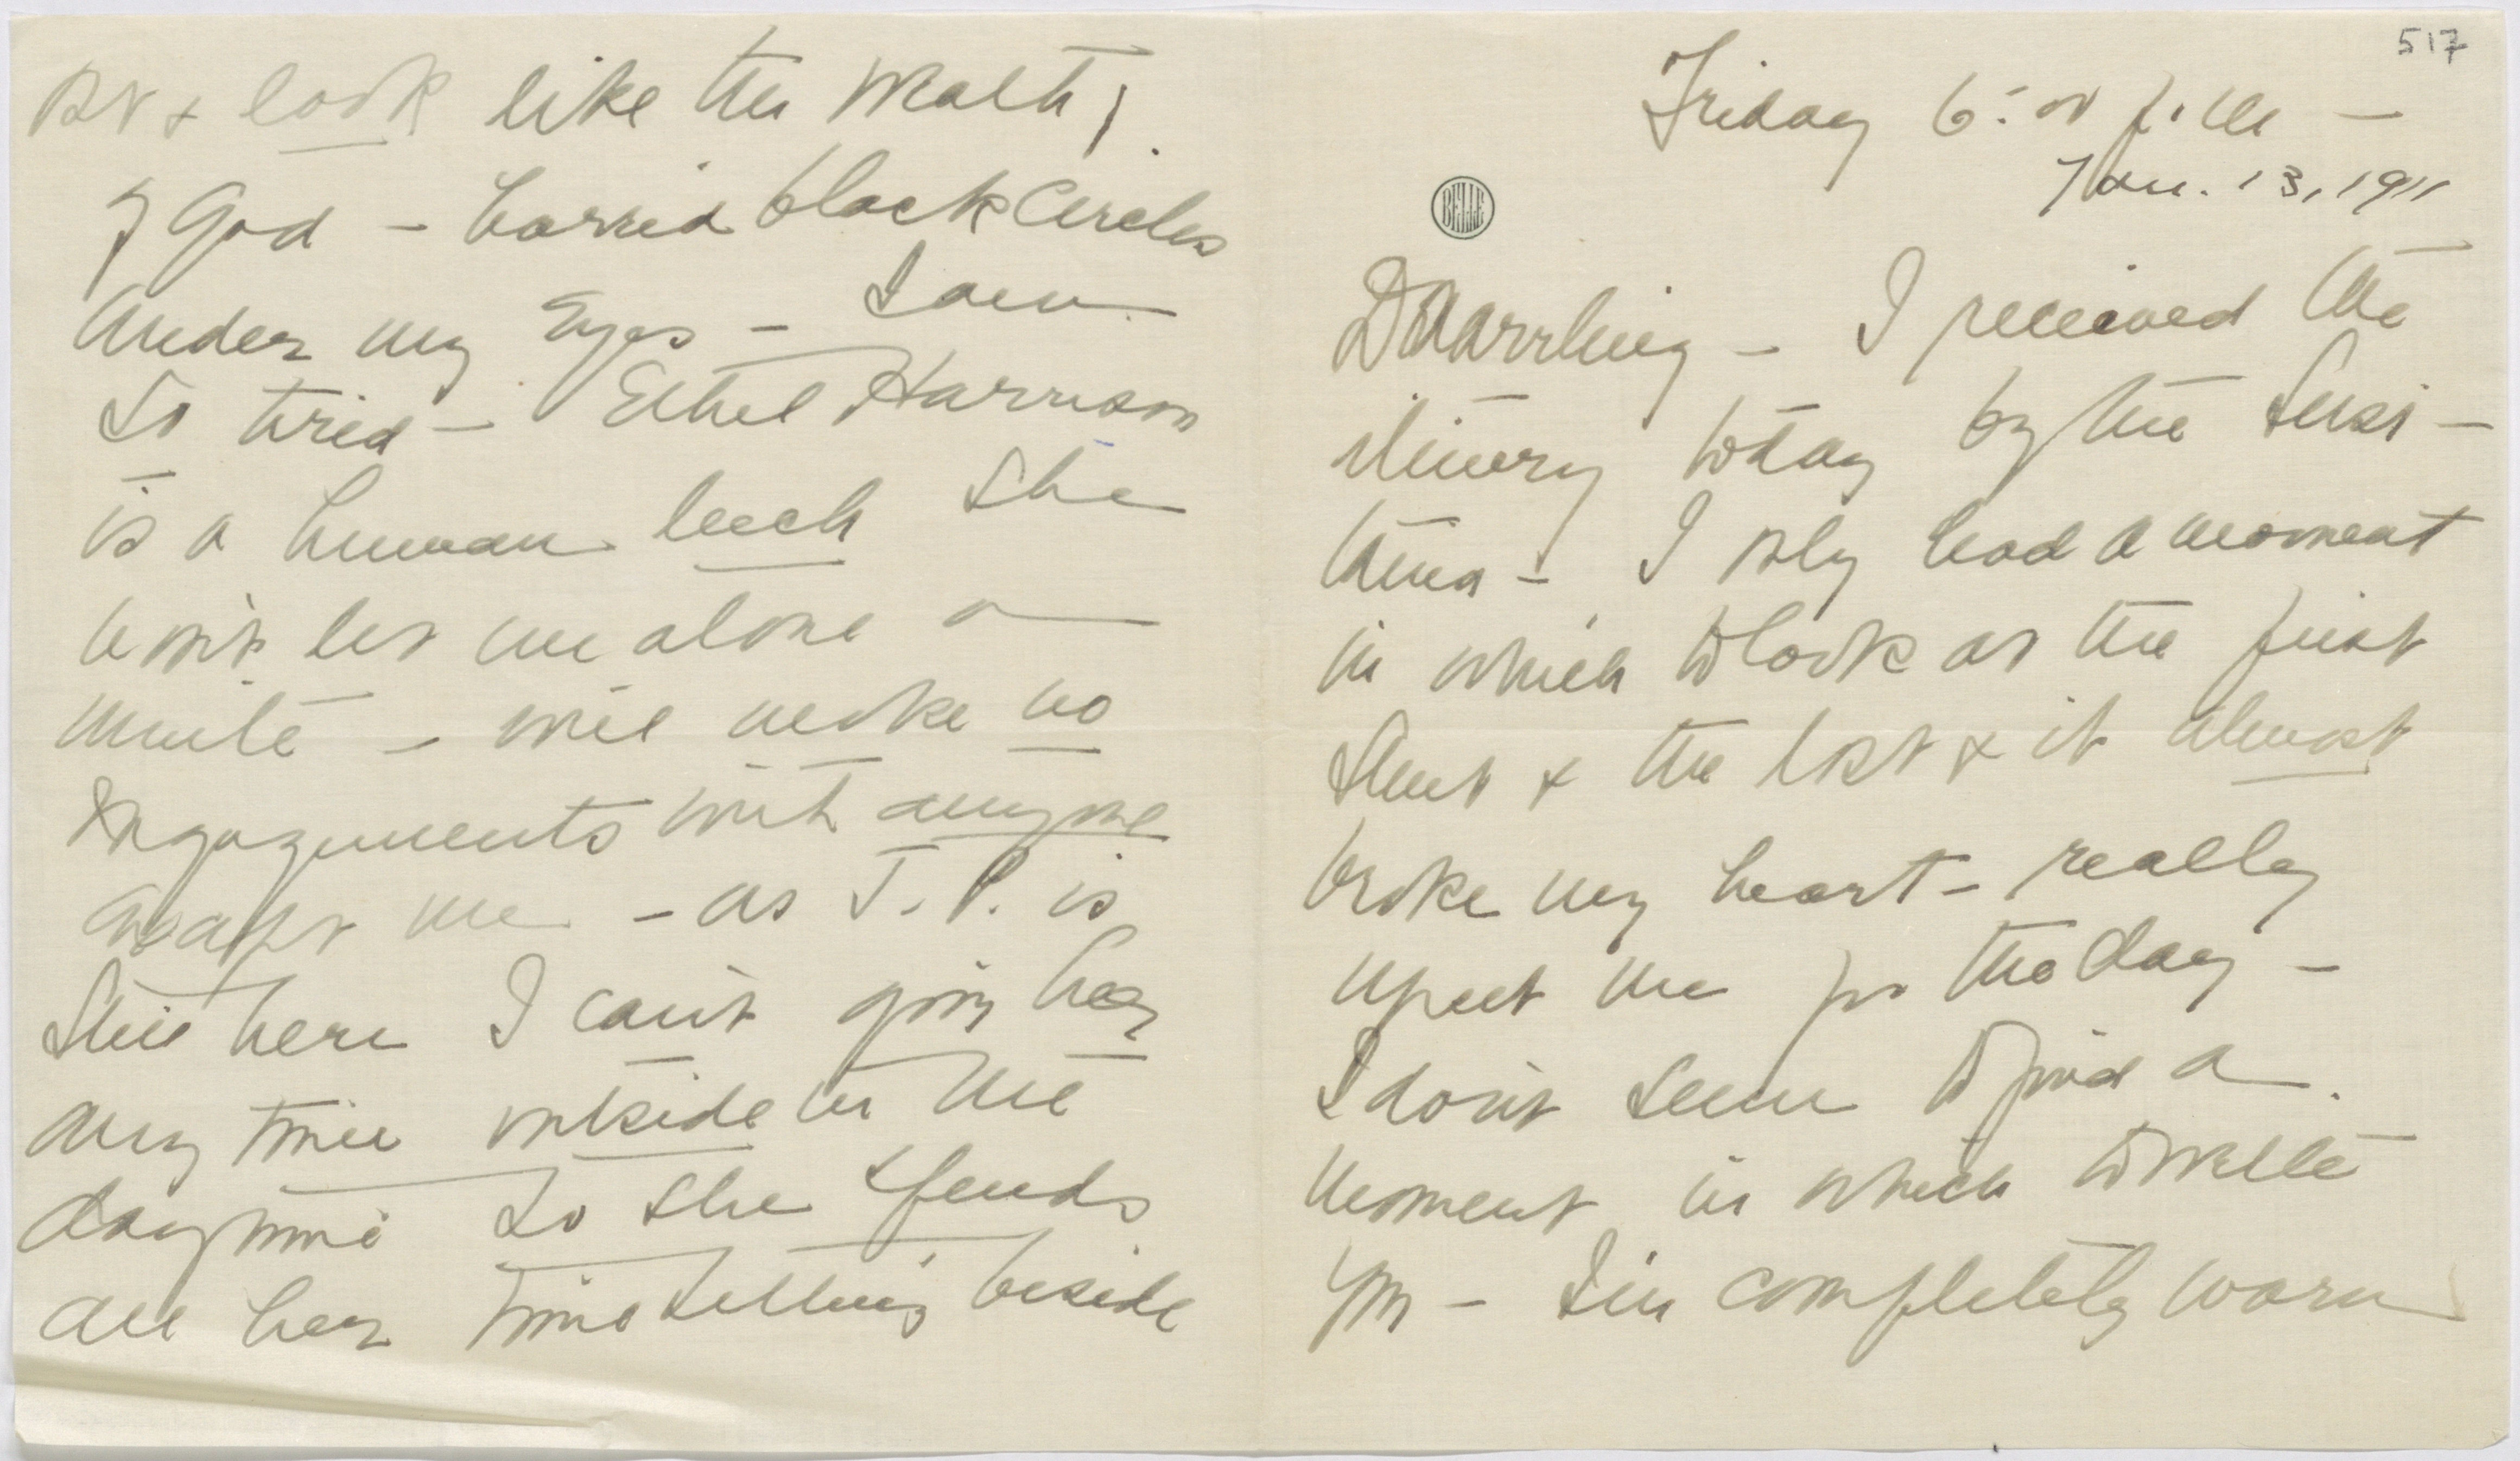Friday 6:00 p.m. –
Daarrling – I received the itinery [sic] today by the Lusitania – I only had a moment in which to look at the first sheet & the last & it almost broke my heart – really upset me for the day – I don’t seem to find a moment in which to write you – I’m completely worn
out & look like the wrath of God – horrid black circles under my eyes – I am so tired – Ethel Harrison is a human leech she won’t let me alone a minute – will make no engagements with anyone except me – as J. P. is still here I can’t give her any time outside in the daytime so she spends all her time sitting beside